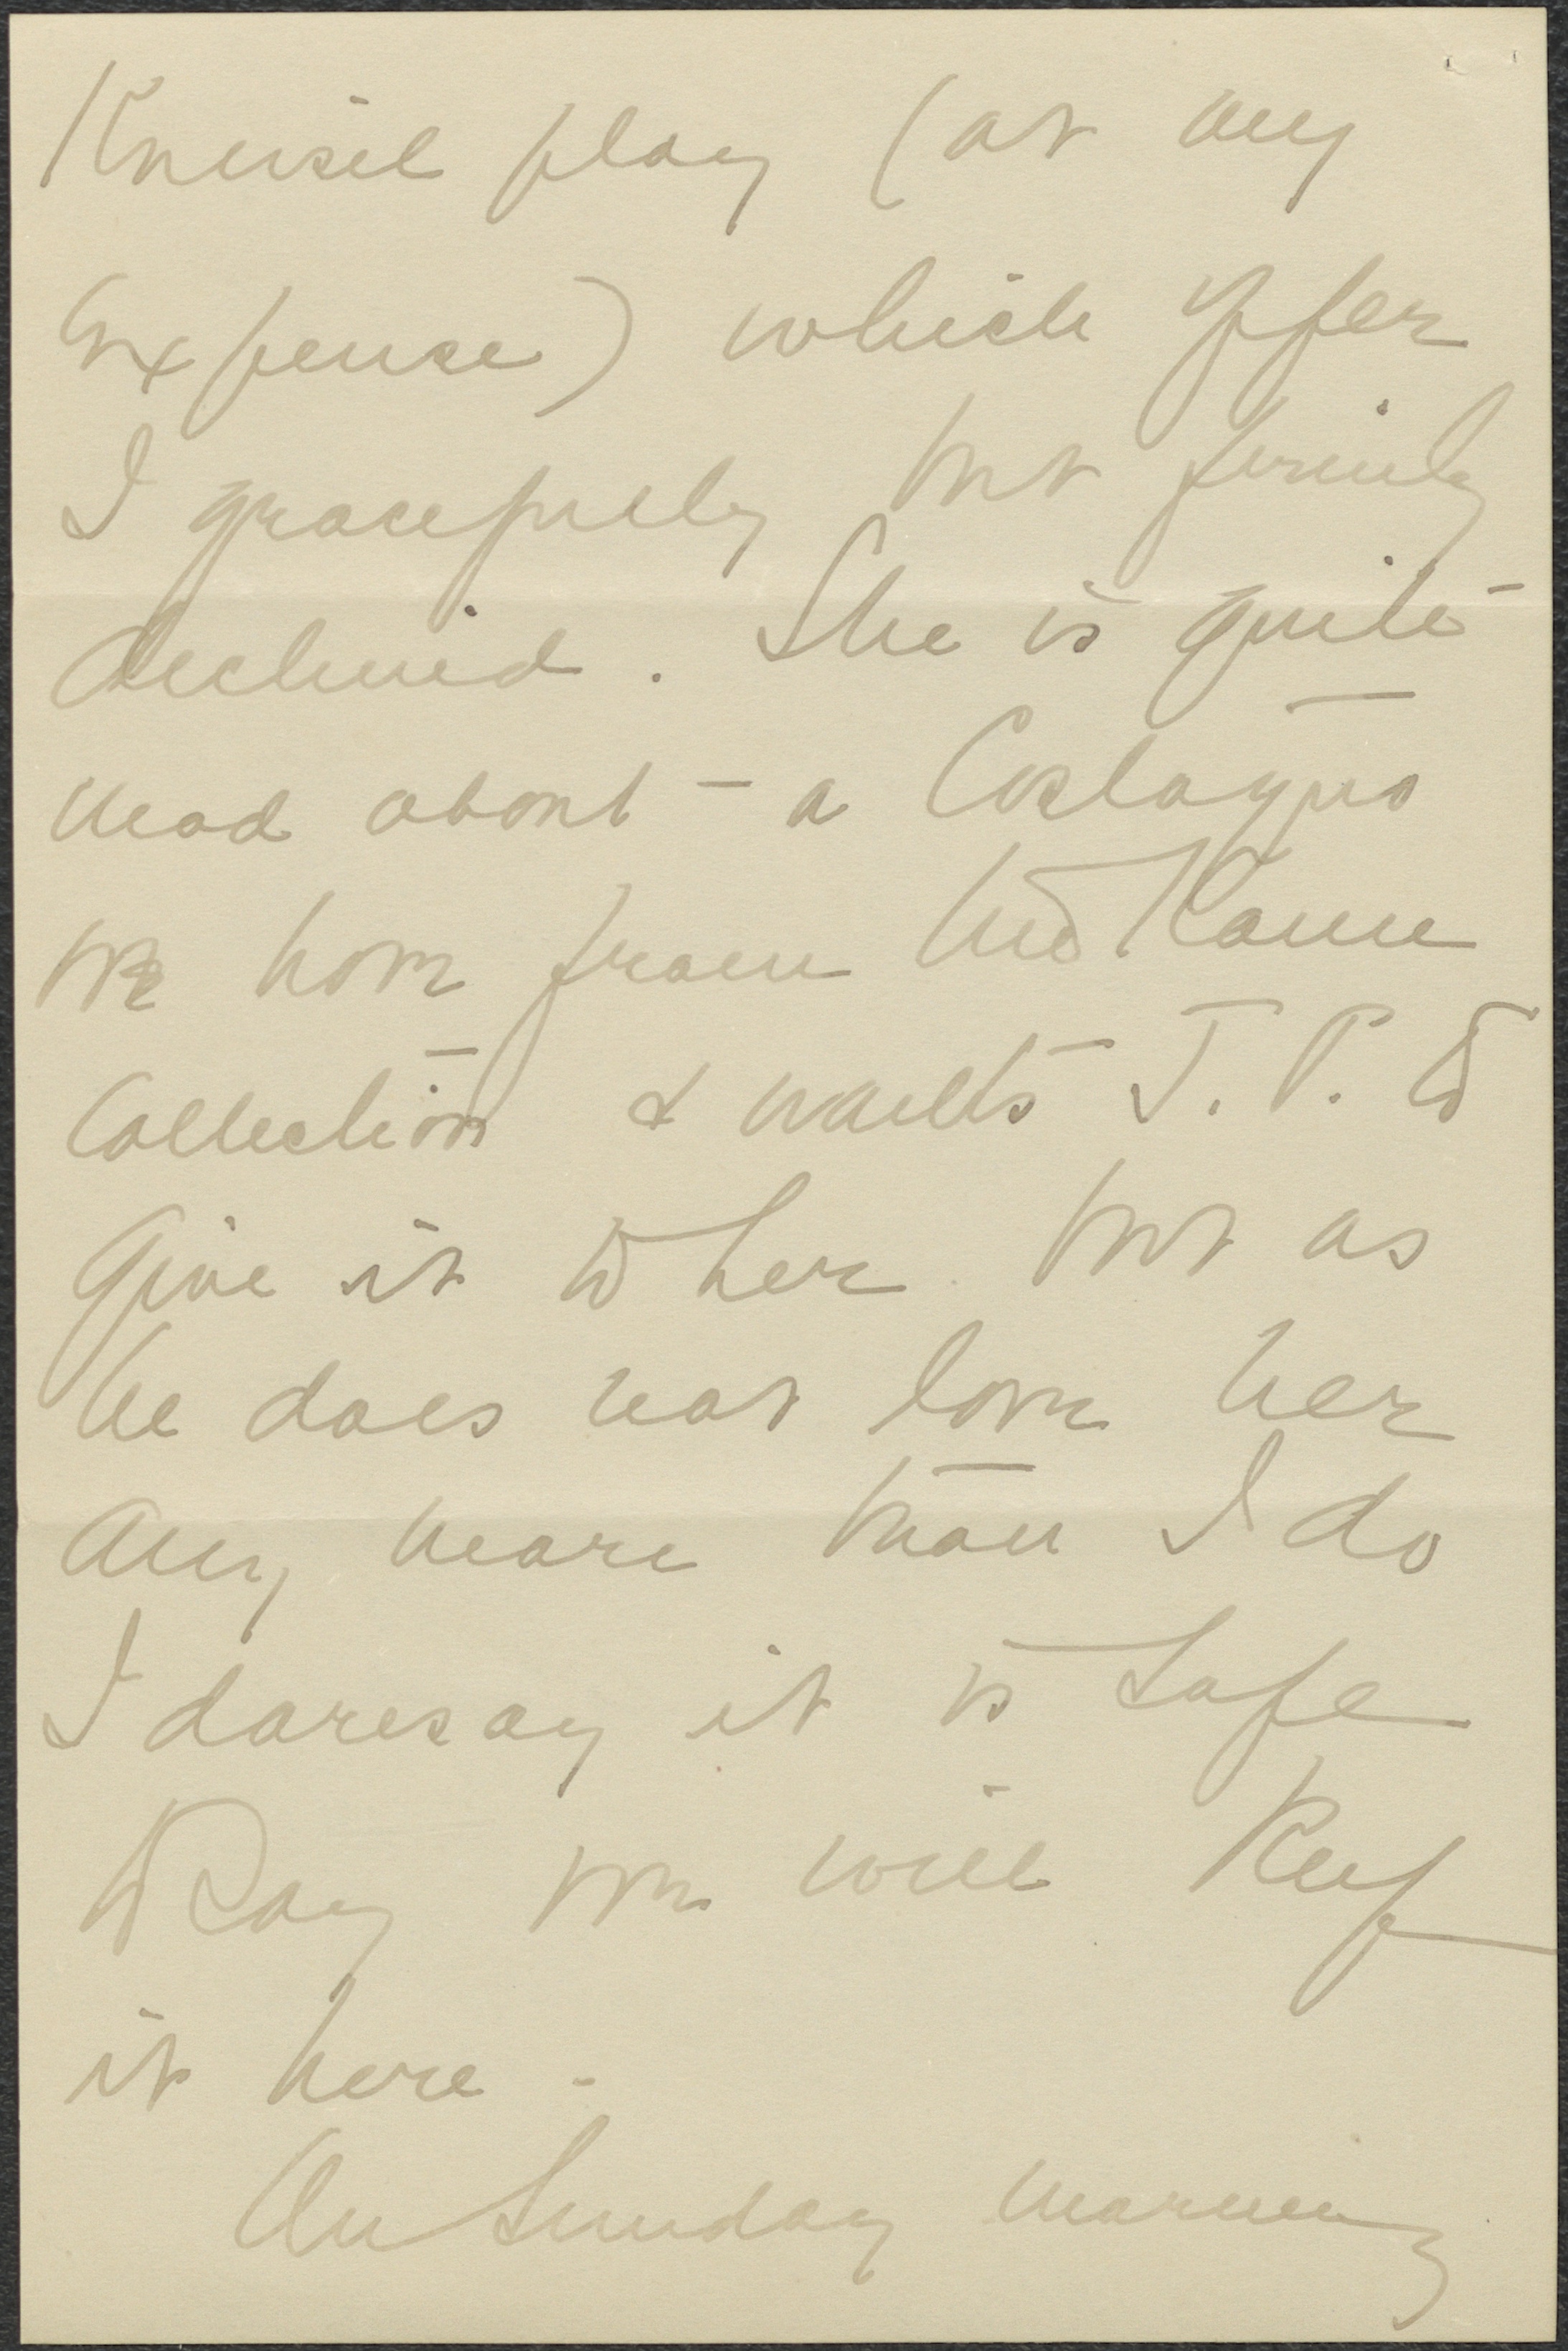Kneisel play (at my expense) which offer I gracefully but firmly declined. She is quite mad about a Castagno we have from the Kann Collection & wants J.P. to give it to her but as he does not love her any more than I do I daresay it is safe to say we will keep it here –
On Sunday morning